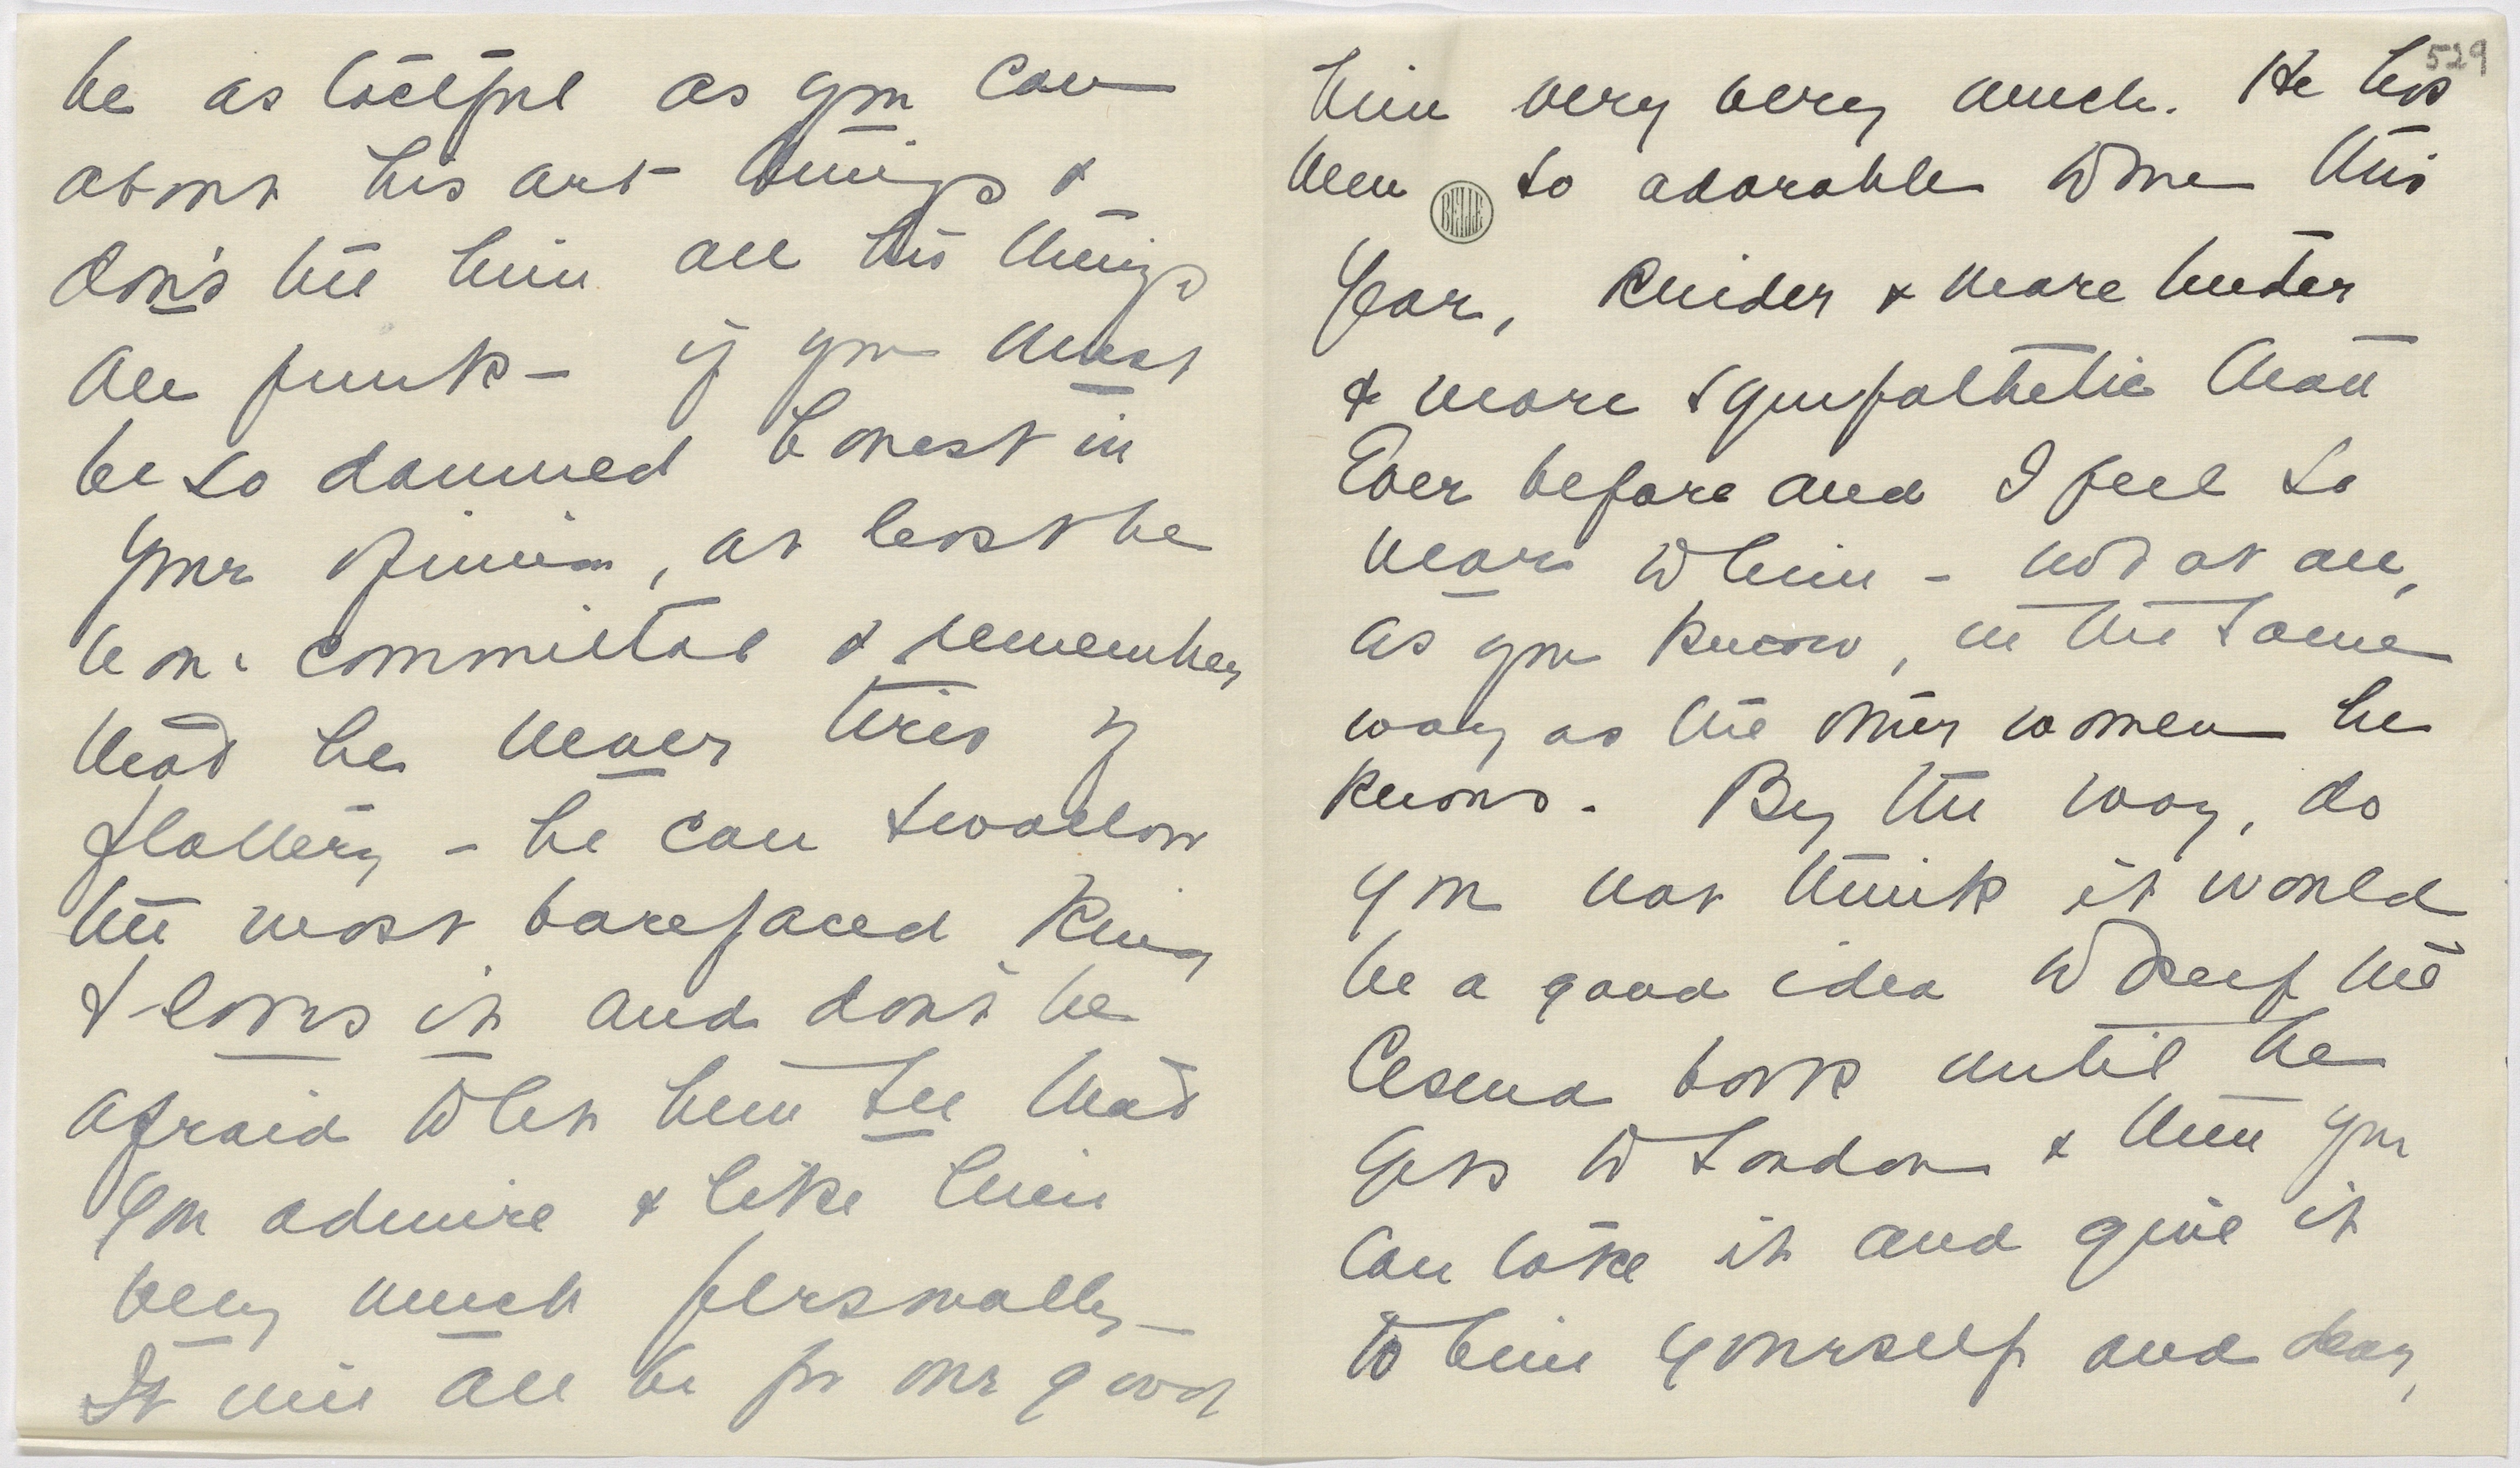him very very much. He has been so adorable to me this year, kinder & more tender & more sympathetic than ever before and I feel so near to him – not at all, as you know, in the same way as the other women he knows. By the way, do you not think it would be a good idea to keep the Cesena book until he gets to London & then you can take it and give it to him yourself and dear,
be as tactful as you can about his art things & don’t tell him all his things are punk – if you must be so damned honest in your opinion, at least be non-committal & remember that he never tires of flattery – he can swallow the most barefaced kind & loves it and don’t be afraid to let him see that you admire & like him very much personally – It will all be for our good